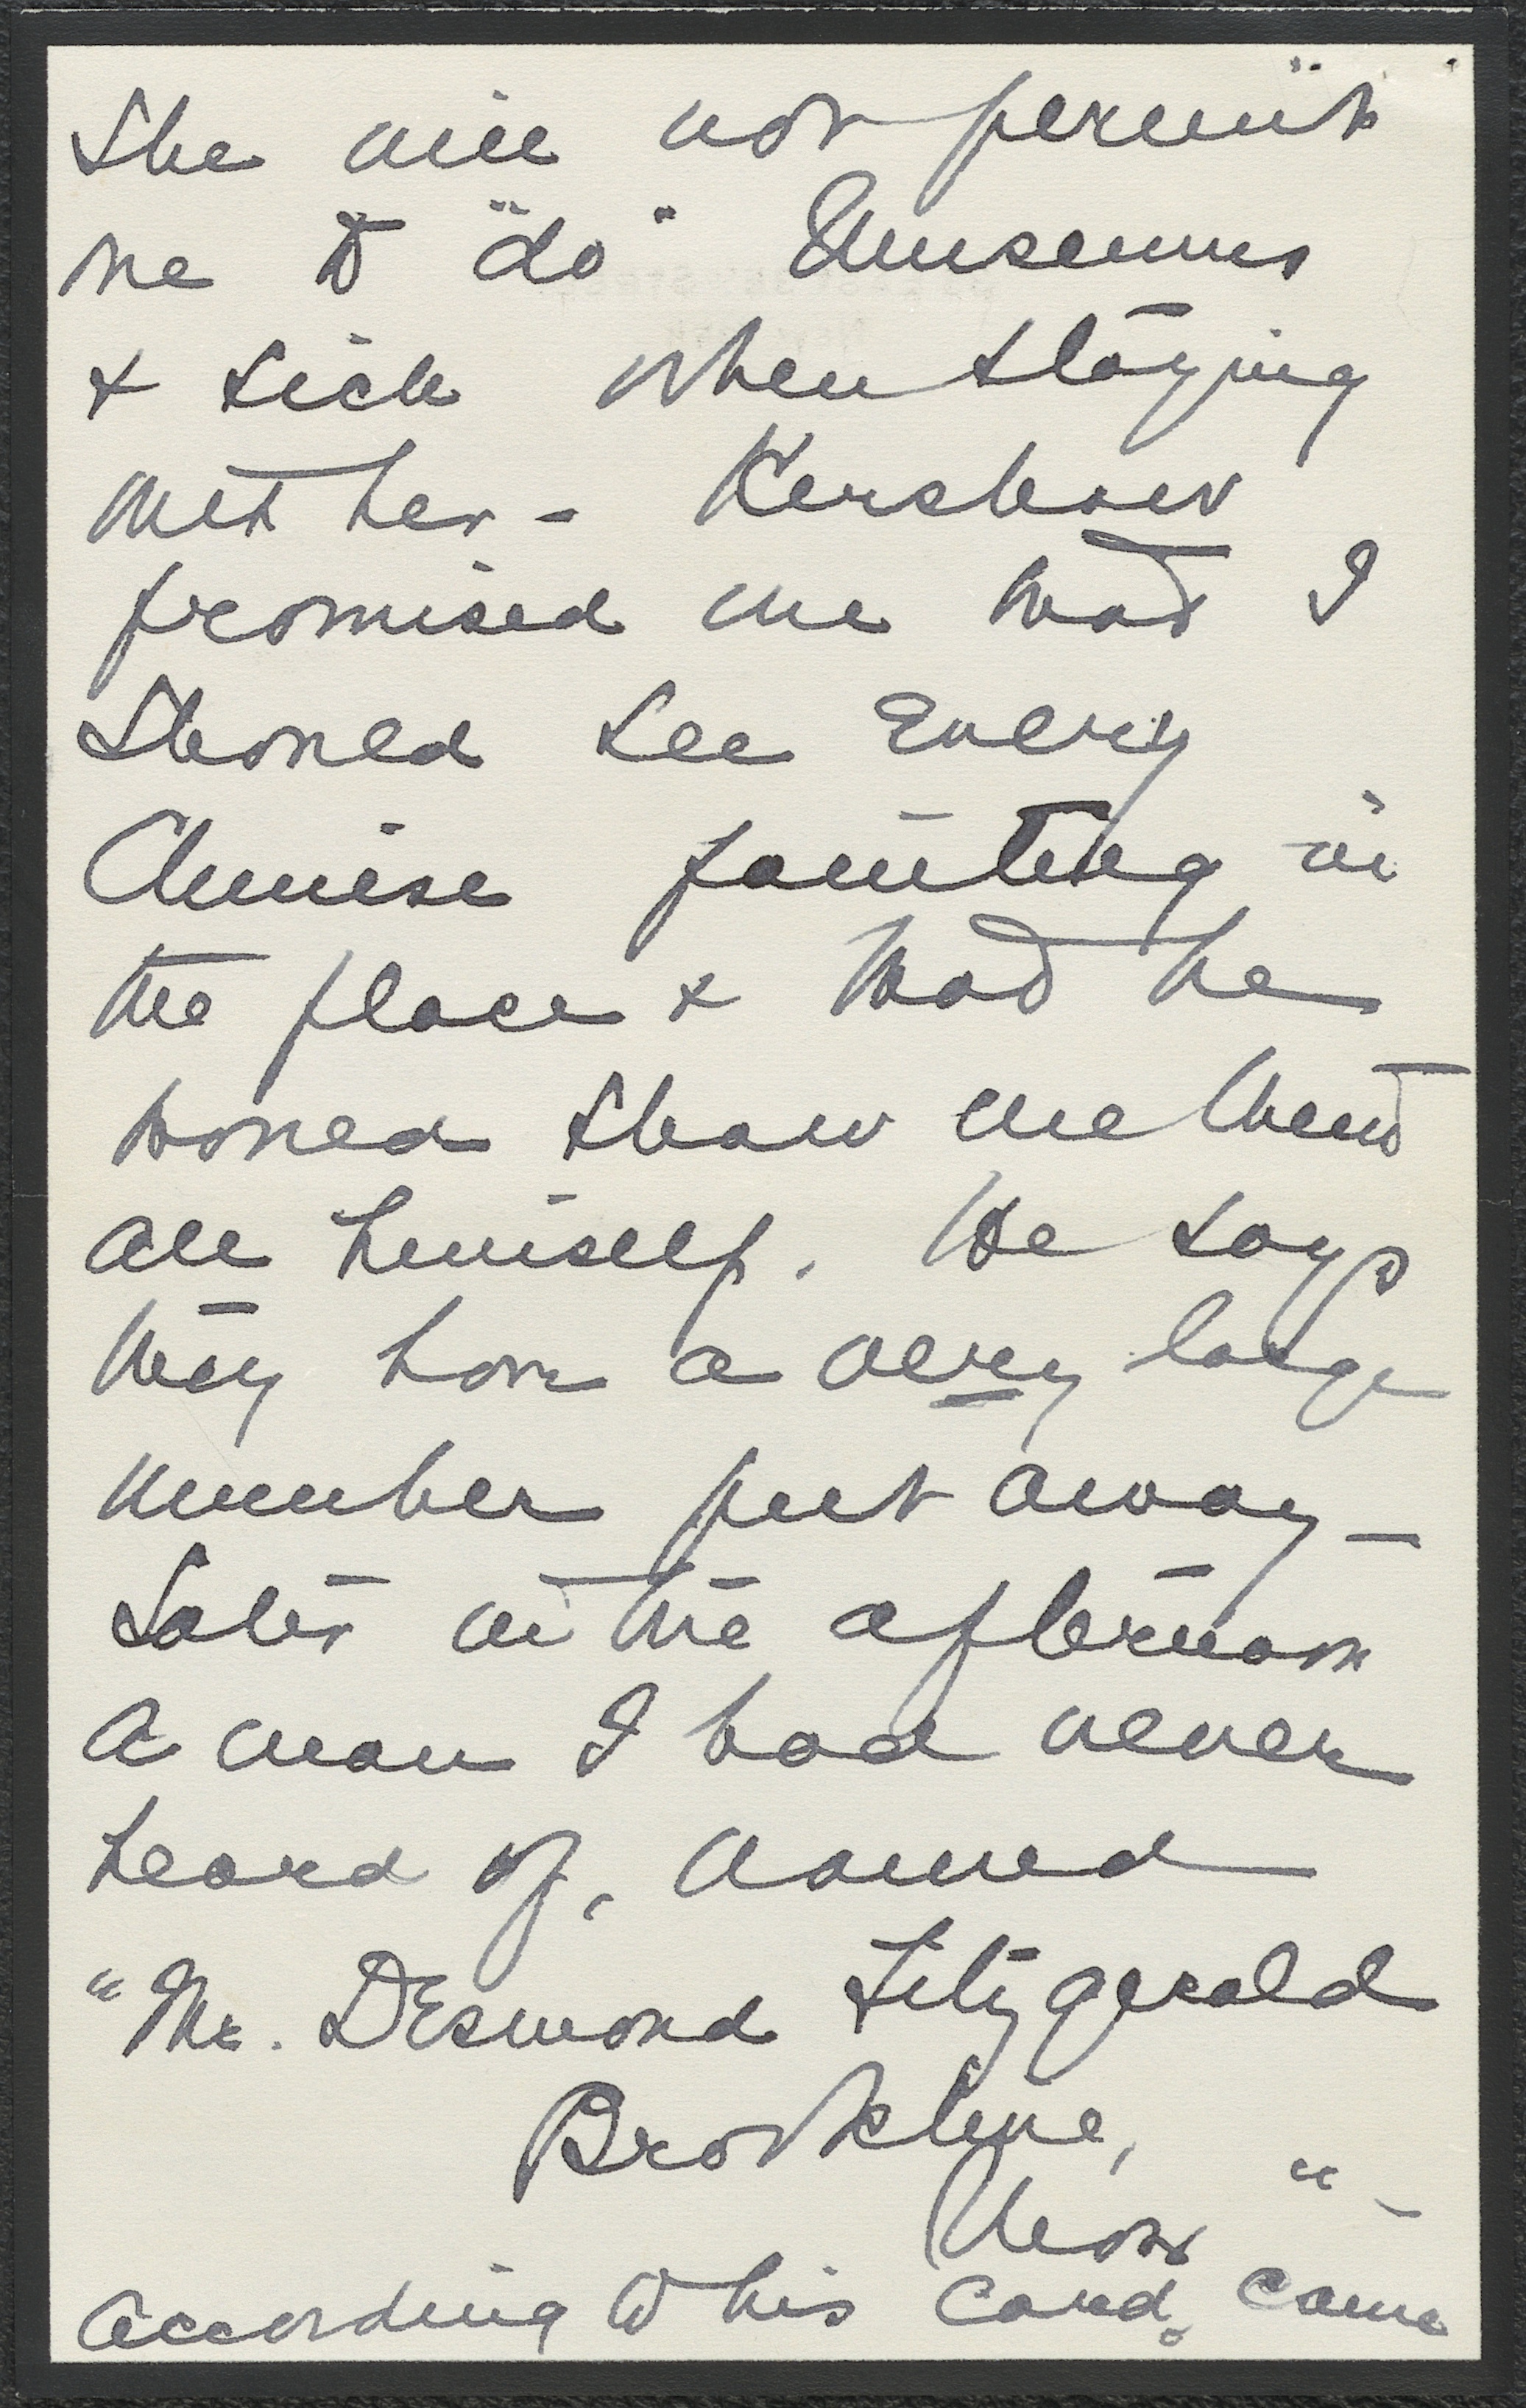she will not permit me to “do” Museums & such when staying with her – Kershaw promised me that I should see every Chinese painting in the place & that he would show me them all himself. He says they have a very large number put away – Later in the afternoon a man I had never heard of named “Mr. Desmond Fitzgerald Brookline, Mass” – according to his card, came